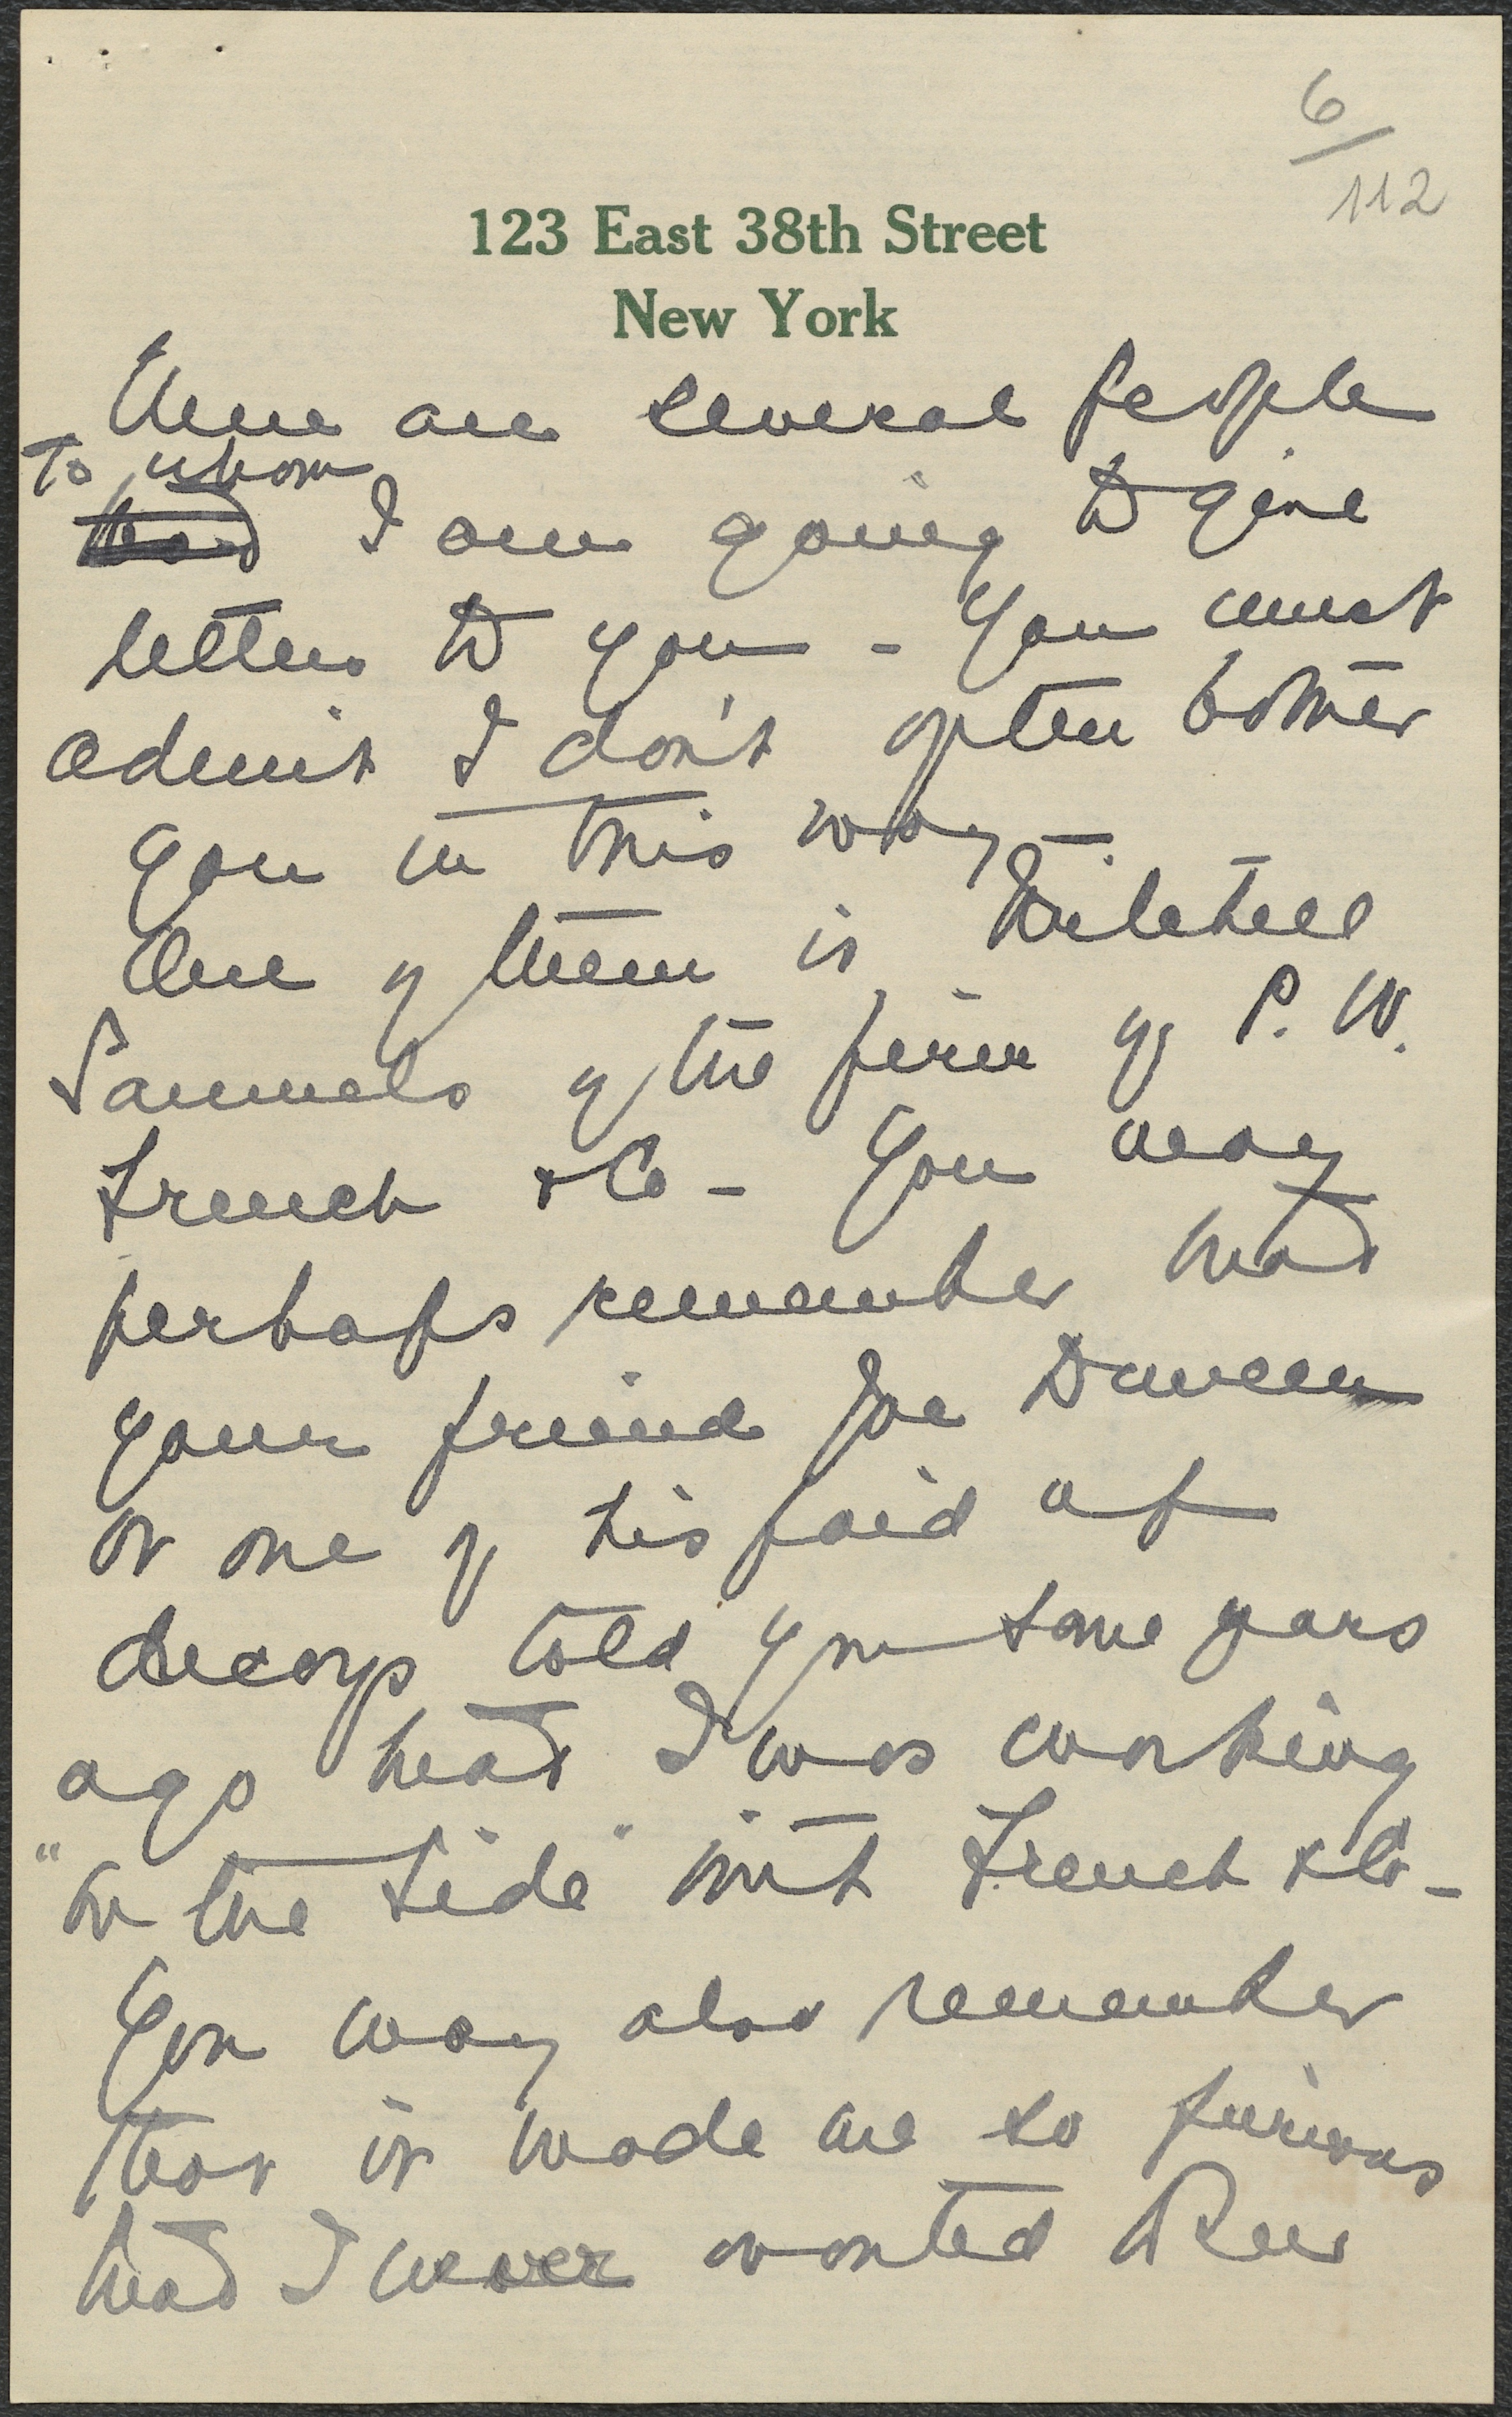There are several people that [^to whom^] I am going to give letters to you – You must admit I don’t often bother you in this way –
One of them is Mitchell Samuels of the firm of P.W. French & Co – You may perhaps remember that your friend Joe Duveen or one of his paid up decoys told you some years ago that I was working “on the side” with French & Co –
You may also remember that it made me so furious that I never wanted to see